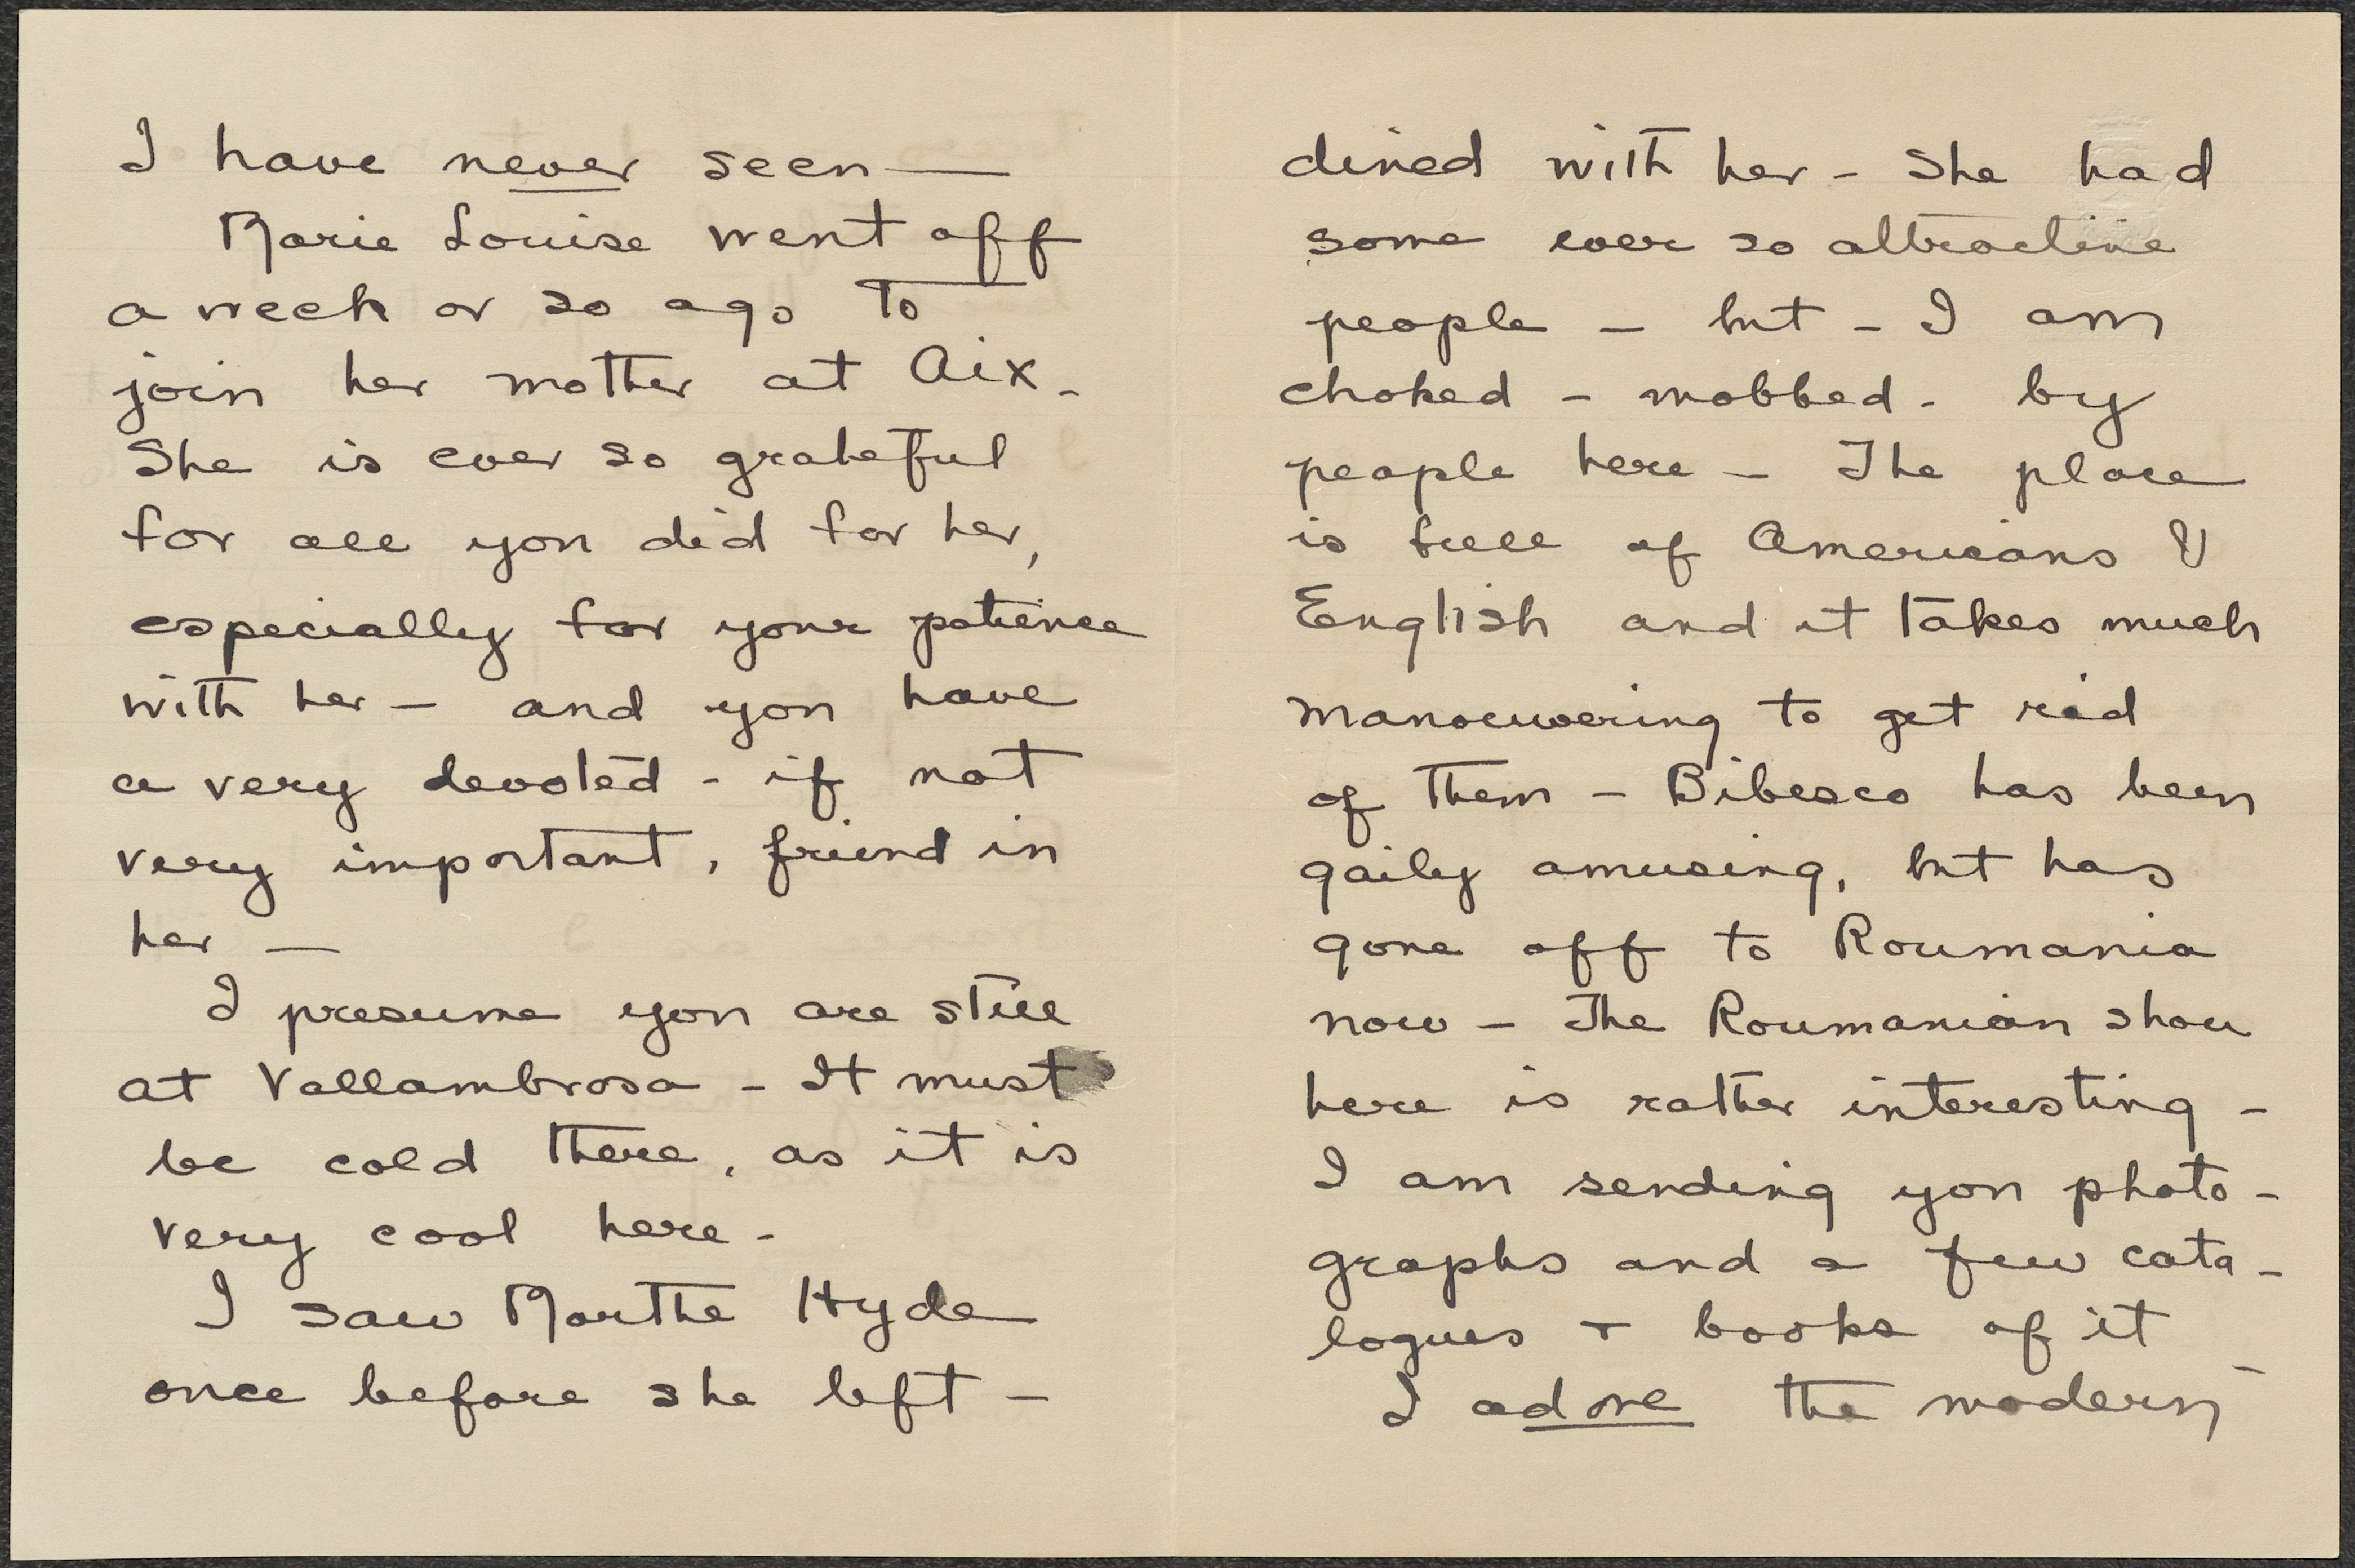I have never seen –
Marie Louise went off a week or so ago to join her mother at Aix – She is ever so grateful for all you did for her, especially for your patience with her – and you have a very devoted, if not very important, friend in her –
I presume you are still at Vallambrosa [sic] – It must be cold there, as it is very cool here –
I saw Martha Hyde once before she left –
dined with her – she had some ever so attractive people – but – I am choked – mobbed, by people here – The place is full of Americans & English and it takes much manoeuvering to get rid of them – Bibesco has been gaily amusing, but has gone off to Roumania now – the Roumanian show here is rather interesting – I am sending you photographs and a few catalogues & books of it –
I adore the modern